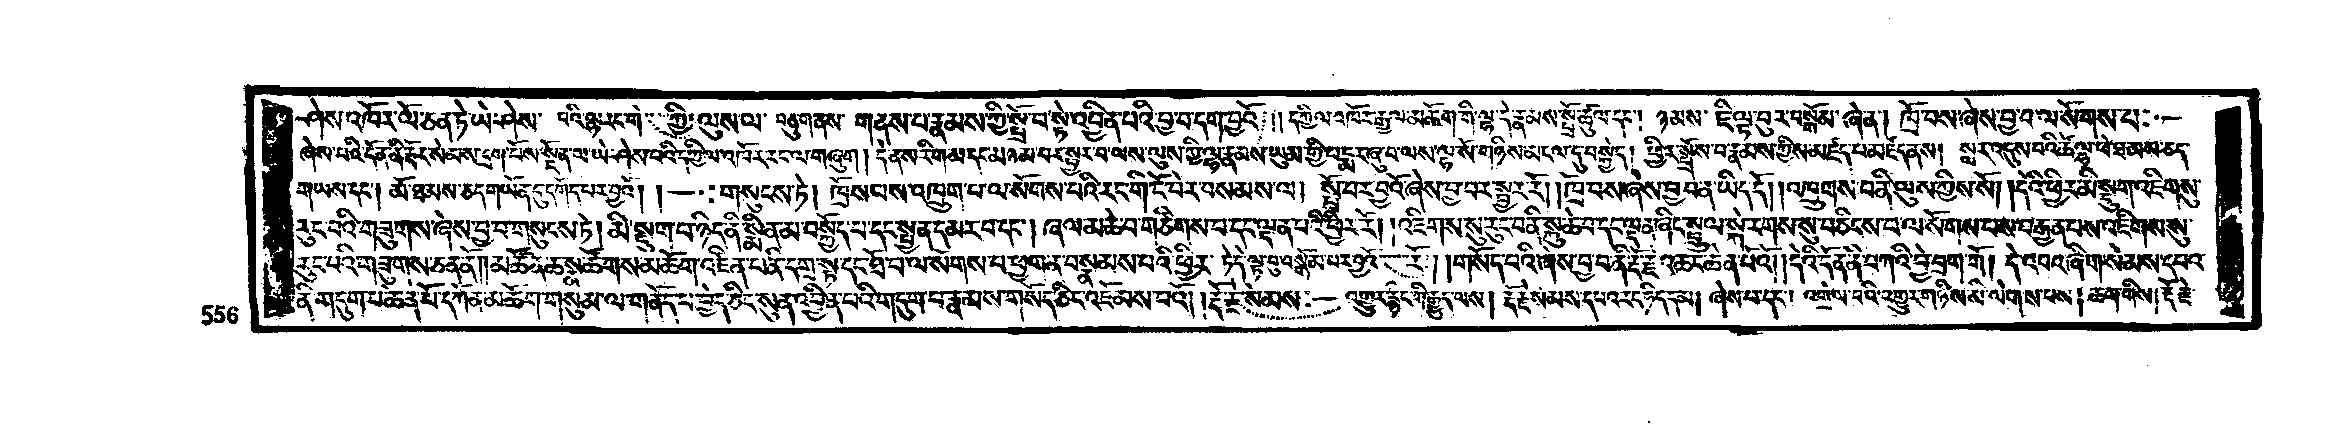ཤེས་འཁོར་ལོ་ཅན་ཏེ་ཡེ་ཤེས་པའི་ལྷ་རང་གི་ཀྱི་ལུས་ལ་བཅུག་ནས་གནས་པ་རྣམས་ཀྱི་སྤྲོ་བ་སྟེ་འབྱིན་པའི་བྱ་བ་དག་བྱའོ། ། དཀྱིལ་འཁོར་རྒྱལ་མཆོག་གི་ལྷ་དེ་རྣམས་སྤྲོ་ཚུལ་དང་། ཉམས་ཇི་ལྟ་བུར་བསྒོམ་ཞེ་ན། ཁྲོ་བས་ཞེས་བྱ་བ་ལ་སོགས་པཿ
ཞེས་པའི་དོན་ནི་རྡོར་སེམས་དྲག་པོས་སྔོན་ལ་ཡེ་ཤེས་པའི་དཀྱིལ་འཁོར་རང་ལ་གཞུག །དེ་ནས་རིག་མ་དང་མཉམ་པར་སྦྱར་བ་ལས་ལུས་ཀྱི་ལྷ་རྣམས་ཡུམ་གྱི་པདམར་ཞུ་བ་ལས་ལྷ་སོ་གཉིས་མངལ་དུ་བསྐྱེད། ཕྱིར་སྤྲོས་བ་རྣམས་ཀྱིས་མཛད་པ་མཛད་ནས། སྤར་འདུས་པའི་ཚེ་ལྷ་ཕོ་ཐམས་ཅད་
གཡས་དང་། མོ་ཐམས་ཅད་གཡོན་དུ་དགོད་པར་བྱའོ། །.H .Hགསུངས་ཏེ། ཁྲོས་པས་འཁྲུག་པ་ལ་སོགས་པའི་རང་གི་ངོ་བོར་བསམས་ལ། སྤྲོ་བར་བྱའོ་ཞེས་བྱ་བར་སྦྱར་རོ། །ཁྲོ་བས་ཞེས་བྱ་བ་ནི་ཡིད་དོ། །འཁྲུགས་པ་ནི་ལུས་ཀྱིས་སོ། །དེའི་ཕྱིར་མི་སྡུག་འཇིགས་སུ་
རུང་བའི་གཟུགས་ཞེས་བྱ་བ་གསུངས་ཏེ། མི་སྡུག་པ་ཉིད་ནི་སྨིན་མ་བསྐྱོད་པ་དང་སྤྱན་དམར་བ་དང་། ཞལ་མཆེ་བ་གཙིགས་པ་དང་ལྡན་པའི་ཕྱིར་རོ། །འཇིགས་སུ་རུང་བ་ནི་སྐུ་ཆེ་བ་དང་ལྡན་ཞིང་སྤྲུལ་སྐེ་རགས་སུ་བཅིངས་པ་ལ་སོགས་པས་བརྒྱན་པས་འཇིགས་སུ་
རུང་བའི་གཟུགས་ཅན་ནོ། །མཚོན་ཆ་སྣ་ཚོགས་མཆོག་འཛིན་པ་ནི་དགྲ་སྟ་དང་ཐོ་བ་ལ་སོགས་པ་ཕྱག་ན་བསྣམས་པའི་ཕྱིར་ཏེ་དེ་ལྟ་བུ་བསྒོམ་པར་བྱའོ་རོ། །གསོད་པའི་ཞེས་བྱ་བ་ནི་རྡོ་རྗེ་འཆང་ཆེན་པོའོ། །དེའི་དོན་ནི་བཀའི་བྱེ་བྲག་གོ །དེ་འབའ་ཞིག་སེམས་དཔའ་
ནི་གདུག་པ་ཆེན་པོ་དཀོན་མཆོག་གསུམ་ལ་གནོད་པ་བྱེད་ཅིང་སུན་འབྱིན་པའི་གདུག་པ་རྣམས་གསོད་ཅིང་འཇོམས་པའོ། །རྡོ་རྗེ་སེམསཿ་འགྱུར་རྙིང་གི་རྒྱུད་ལས། རྡོ་རྗེ་སེམས་དཔའ་རང་ཉིད་དམ། ཞེས་པ་དང་། འགྲེལ་པའི་འགྱུར་གཉིས་མི་ལེགས་པས། ཆག་གིས། རྡོ་རྗེ་